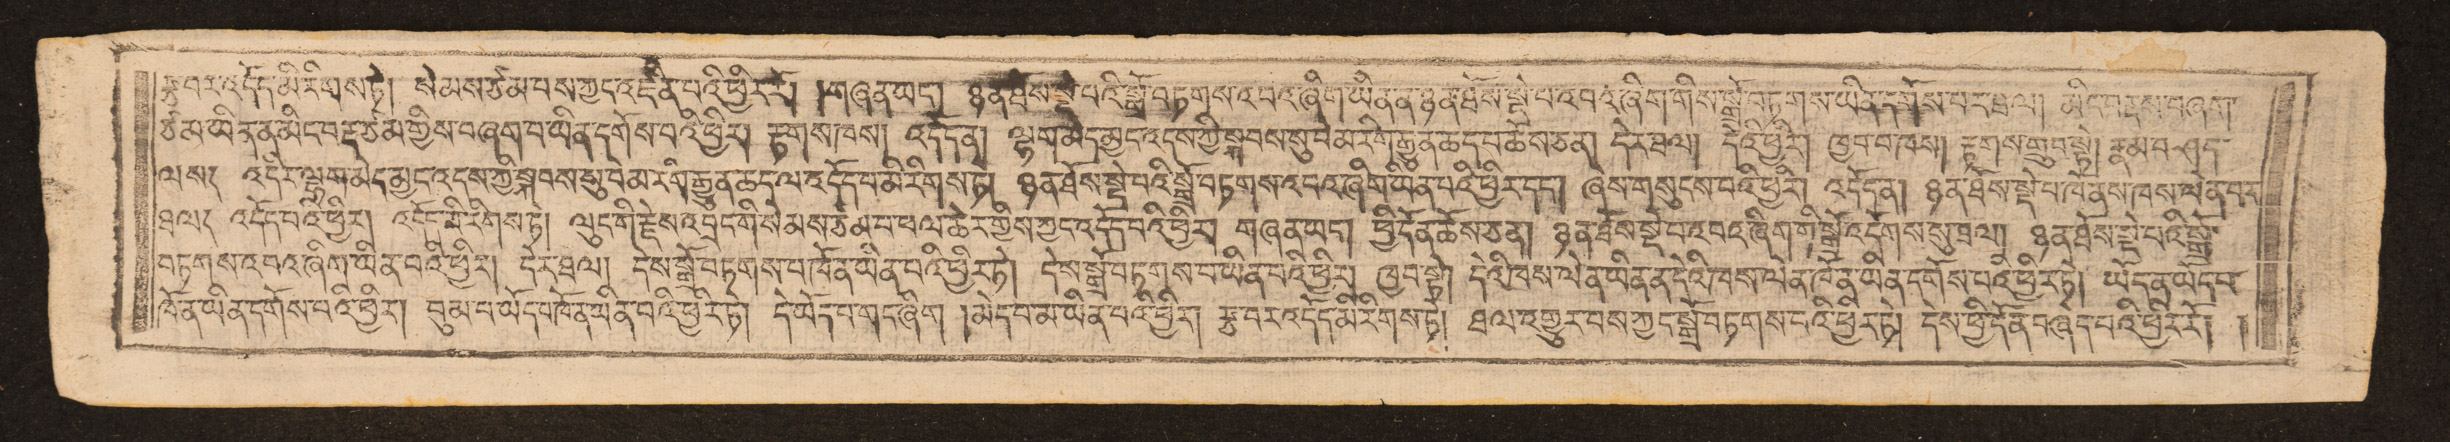རྩ་བར་འདོད་མི་རིགས་ཏེ། སེམས་ཙམ་པས་ཀྱང་འཛིན་པའི་ཕྱིར་རོ། གཞན་ཡང་། ཉན་ཐོས་སྡེ་པའི་སྒྲོ་བཏགས་འབའ་ཞིག་ཡིན་ན་ཉན་ཐོས་སྡེ་པ་འབའ་ཞིག་གིས་སྒྲོ་བཏགས་ཡིན་དགོས་པར་ཐལ། མིང་བརྡས་བཞག་
ཙམ་ཡིན་ན་མིང་བརྡ་ཙམ་གྱིས་བཞག་པ་ཡིན་དགོས་པའི་ཕྱིར། རྟགས་ཁས། འདོད་ན། ལྷག་མེད་མྱང་འདས་ཀྱི་སྐབས་སུ་བེམ་རིག་རྒྱུན་ཆད་པ་ཆོས་ཅན། དེར་ཐལ། དེའི་ཕྱིར། ཁྱབ་པ་ཁས། རྟགས་གྲུབ་སྟེ། རྣམ་བཤད་
ལས༑ འདིར་ལྷག་མེད་མྱང་འདས་ཀྱི་སྐབས་སུ་བེམ་རིག་རྒྱུན་ཆད་ལ་འདོད་པ་མི་རིགས་ཏེ། ཉན་ཐོས་སྡེ་པའི་སྒྲོ་བཏགས་འབའ་ཞིག་ཡིན་པའི་ཕྱིར་དང་། ཞེས་གསུངས་པའི་ཕྱིར། འདོད་ན། ཉན་ཐོས་སྡེ་པ་ཁོ་ནས་ཁས་ལེན་པར་
ཐལ༑ འདོད་པའི་ཕྱིར། འདོད་མི་རིགས་ཏེ། ལུང་གི་རྗེས་འབྲང་གི་སེམས་ཙམ་པ་ཕལ་ཆེར་གྱིས་ཀྱང་འདོད་པའི་ཕྱིར། གཞན་ཡང་། ཕྱི་དོན་ཆོས་ཅན། ཉན་ཐོས་སྡེ་པ་འབའ་ཞིག་གི་སྒྲོ་འདོགས་སུ་ཐལ། ཉན་ཐོས་སྡེ་པའི་སྒྲོ་
བཏགས་འབའ་ཞིག་ཡིན་པའི་ཕྱིར། དེར་ཐལ། དེས་སྒྲོ་བཏགས་པ་ཁོ་ན་ཡིན་པའི་ཕྱིར་ཏེ། དེས་སྒྲོ་བཏགས་པ་ཡིན་པའི་ཕྱིར། ཁྱབ་སྟེ། དེའི་ཁས་ལེན་ཡིན་ན་དེའི་ཁས་ལེན་ཁོ་ན་ཡིན་དགོས་པའི་ཕྱིར་ཏེ། ཡོད་ན་ཡོད་པ་
ཁོ་ན་ཡིན་དགོས་པའི་ཕྱིར། བུམ་པ་ཡོད་པ་ཁོ་ན་ཡིན་པའི་ཕྱིར་ཏེ། དེ་ཡོད་པ་གང་ཞིག །མེད་པ་མ་ཡིན་པའི་ཕྱིར། རྩ་བར་འདོད་མི་རིགས་ཏེ། ཐལ་འགྱུར་བས་ཀྱང་སྒྲོ་བཏགས་པའི་ཕྱིར་ཏེ། དེས་ཕྱི་དོན་བཞེད་པའི་ཕྱིར་རོ། །